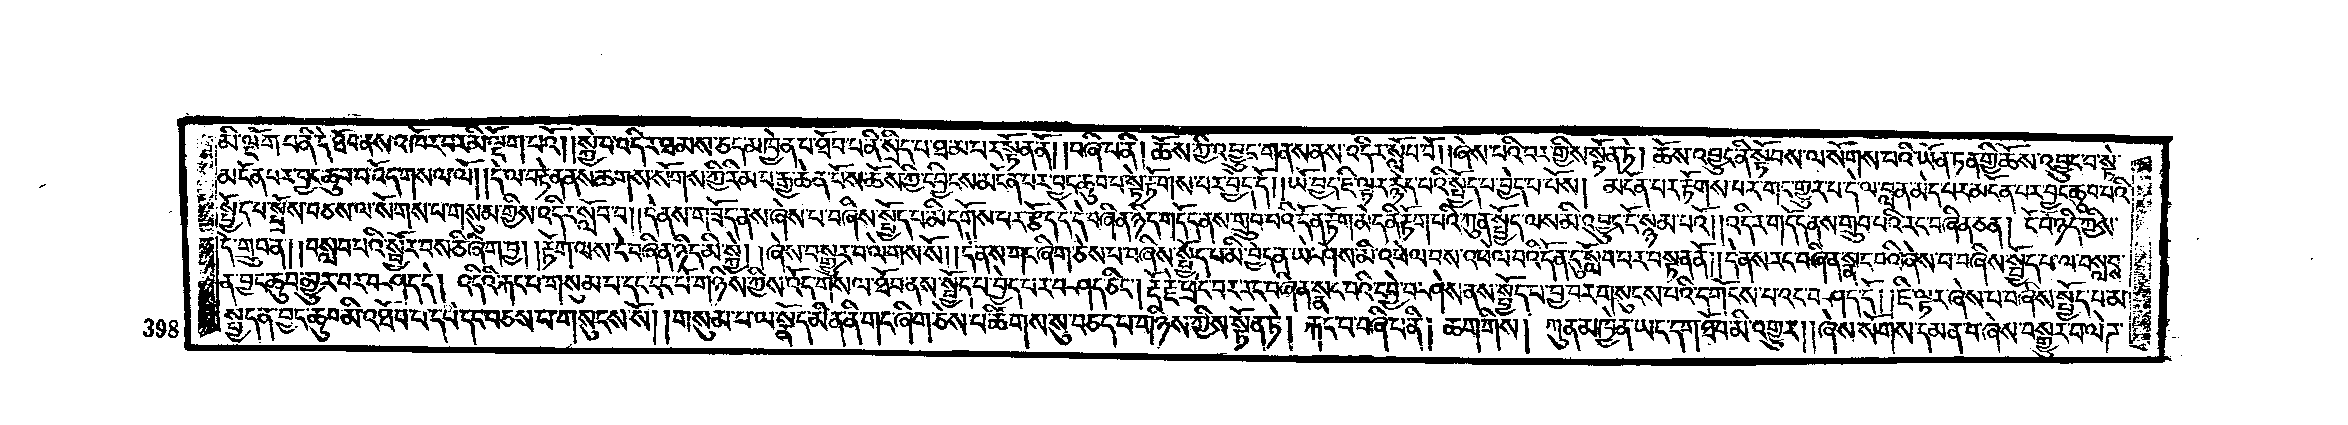མི་ལྡོག་པ་ནི་དེ་ཐོབ་ནས་འཁོར་བར་མི་ལྡོག་པའོ། །སྐྱེ་བ་འདིར་ཐམས་ཅད་མཁྱེན་པ་ཐོབ་པ་ནི་སྲིད་པ་ཐ་མ་པར་སྟོན་ནོ། །བཞི་པ་ནི། ཆོས་ཀྱི་འབྱུང་གནས་ནས་འདིར་སློབ་བོ། །ཞེས་པའི་བར་གྱིས་སྟོན་ཏེ། ཆོས་འབྱུང་ནི་སྟོབས་ལ་སོགས་པའི་ཡོན་ཏན་གྱི་ཆོས་འབྱུང་བ་སྟེ་
མངོན་པར་བྱང་ཆུབ་པ་འོད་གསལ་ལོ། །དེ་ལ་བརྟེན་ནས་ཆགས་སོགས་ཀྱི་རིམ་པ་རྒྱ་ཆེན་པོས་ཆོས་ཀྱི་དབྱིངས་མངོན་པར་བྱང་ཆུབ་པ་སྟེ་རྟོགས་པར་བྱེད་དོ། །ཡོ་བྱད་ཇི་ལྟར་རྙེད་པའི་སྤྱོད་པ་བྱེད་པ་པོས། མངོན་པར་རྟོགས་པར་གང་གྱུར་པ་དེ་ལ་བླ་ན་མེད་པར་མངོན་པར་བྱང་ཆུབ་པའི་
སྤྱོད་པ་སྤྲོས་བཅས་ལ་སོགས་པ་གསུམ་གྱིས་འདིར་སློབ་བ། །དེ་ནས་གཟོད་ནས་ཞེས་པ་བཞིས་སྤྱོད་པ་མི་དགོས་པར་རྩོད་དེ་དེ་བཞིན་ཉིད་གདོད་ནས་གྲུབ་པའི་དོན་རྟོག་མེད་ནི་རྟོག་པའི་ཀུན་སྤྱོད་ལས་མི་འབྱུང་ངོ་སྙམ་པའོ། །འདིར་གདོད་ནས་གྲུབ་པའི་རང་བཞིན་ཅན། ངོ་བོ་ཉིད་ཀྱིས་
དེ་གྲུབ་ན། །བསླབ་པའི་སྦྱོར་བས་ཅི་ཞིག་བྱ། །རྟོག་ལས་དེ་བཞིན་ཉིད་མི་སྐྱེ། །ཞེས་བསྒྱུར་བ་ལེགས་སོ། །དེ་ནས་གང་ཞིག་ཅེས་པ་བཞིས་སྤྱོད་པ་མི་བྱེད་ན་ཡེ་ཤེས་མི་འཕེལ་བས་འཕེལ་བའི་དོན་དུ་སློབ་པར་བསྟན་ནོ། །དེ་ནས་རང་བཞིན་སྣང་བའི་ཞེས་བ་བཞིས་སྤྱོད་པ་ལ་བསླབས་
ན་བྱང་ཆུབ་མྱུར་བར་བཤད་དེ། འདིའི་རྐང་པ་གསུམ་པ་དང་དང་པོ་གཉིས་ཀྱིས་འོད་གསལ་ཐོབ་ནས་སྤྱོད་པ་བྱེད་པར་བཤད་ཅིང་། རྡོ་རྗེ་ཕྲེང་བར་རང་བཞིན་སྣང་བའི་དབྱེ་བ་ཤེས་ནས་སྤྱོད་པ་བྱ་བར་གསུངས་པའི་དགོངས་པ་འང་བཤད་དོ། །ཇི་ལྟར་ཞེས་པ་བཞིས་སྤྱོད་པ་མ་
སྤྱད་ན་བྱང་ཆུབ་མི་འཐོབ་པ་དཔེ་དང་བཅས་པ་གསུངས་སོ། །གསུམ་པ་ལ་སྣོད་མིན་ནི་གང་ཞིག་ཅེས་པ་ཚིགས་སུ་བཅད་པ་གཉིས་ཀྱིས་སྟོན་ཏེ། རྐང་པ་བཞི་པ་ནི། ཆག་གིས། ཀུན་མཁྱེན་ཡང་དག་ཐོབ་མི་འགྱུར། །ཞེས་སོགས་དམན་པ་ཞེས་བསྒྱུར་བ་ལེགས་